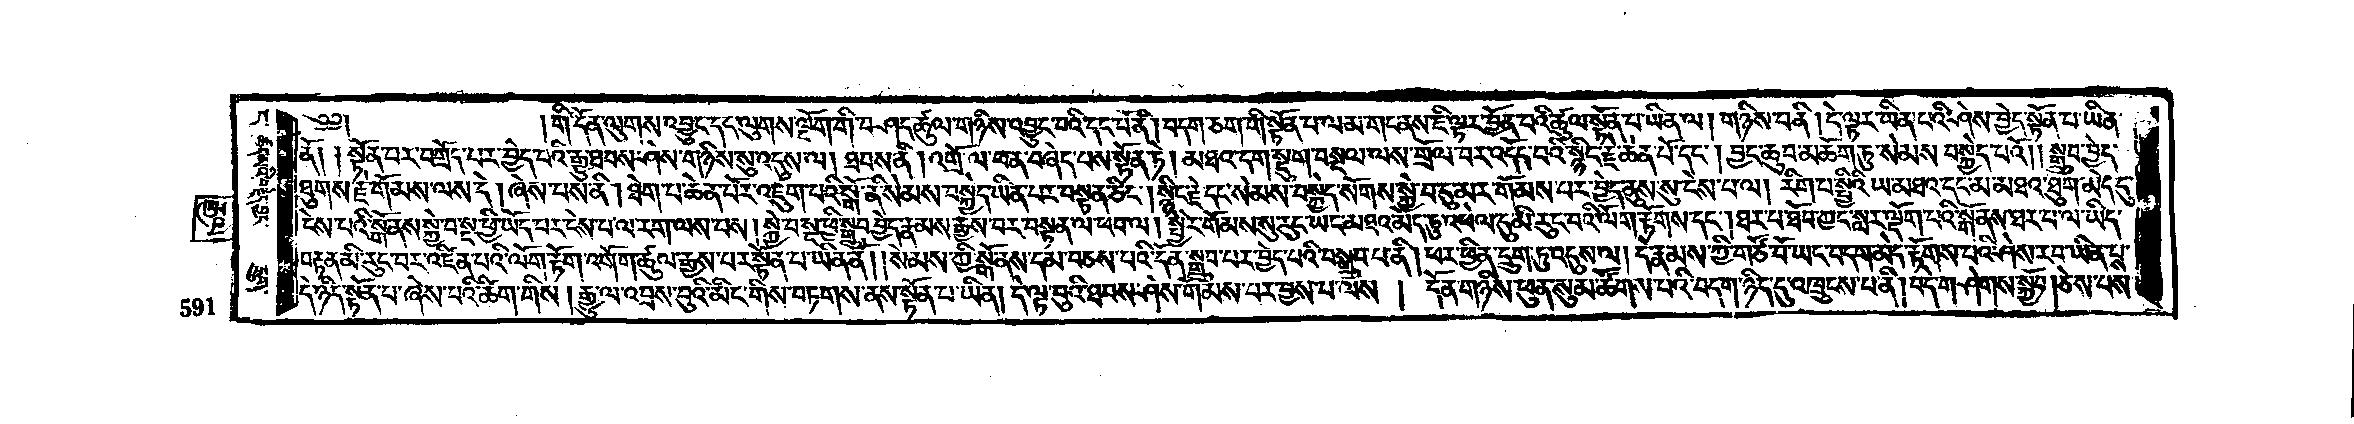༄༅། །གི་དོན་ལུགས་འབྱུང་དང་ལུགས་ལྡོག་གི་བཤད་ཚུལ་གཉིས་འབྱུང་བའི་དང་པོ་ནི། བདག་ཅག་གི་སྟོན་པ་ལམ་གང་ནས་ཇི་ལྟར་བྱོན་པའི་ཚུལ་སྟོན་པ་ཡིན་ལ། གཉིས་པ་ནི། དེ་ལྟར་ཡིན་པའི་ཤེས་བྱེད་སྟོན་པ་ཡིན་
ནོ༑ ༑སྟོན་པར་བགྲོད་པར་བྱེད་པའི་རྒྱུ་ཐབས་ཤེས་གཉིས་སུ་འདུས་ལ། ཐབས་ནི། འགྲོ་ལ་ཕན་བཞེད་པས་སྟོན་ཏེ། མཐའ་དག་སྡུག་བསྔལ་ལས་གྲོལ་བར་འདོད་པའི་སྙིང་རྗེ་ཆེན་པོ་དང་། བྱང་ཆུབ་མཆོག་ཏུ་སེམས་བསྐྱེད་པའོ། །སྒྲུབ་བྱེད་
ཐུགས་རྗེ་གོམས་ལས་དེ། ཞེས་པས་ནི། ཐེག་པ་ཆེན་པོར་འཇུག་པའི་སྒོ་ནི་སེམས་བསྐྱེད་ཡིན་པར་བསྟན་ཅིང་། སྙིང་རྗེ་དང་སེམས་བསྐྱེད་སོགས་སྐྱེ་བ་དུ་མར་གོམས་པར་བྱེད་ནུས་སུ་ངེས་པ་ལ། རིག་པ་སྤྱིའི་ཡ་མཐའ་དང་མ་མཐའ་ཐུག་མེད་དུ་
ངེས་པའི་སྒོ་ནས་སྐྱེ་བ་སྔ་ཕྱི་ཡོད་པར་ངེས་པ་ལ་རག་ལས་པས། སྐྱེ་བ་སྔ་ཕྱི་སྒྲུབ་བྱེད་རྣམས་རྒྱས་པར་བསྟན་ལ་ཕབ་ལ། སྤྱིར་གོམས་སུ་རུང་ཡང་མཐའ་མེད་དུ་འཕེལ་དུ་མི་རུང་བའི་ལོག་རྟོགས་དང་། ཐར་པ་ཐོབ་ཀྱང་སླར་ལྡོག་པའི་སྒོ་ནས་ཐར་པ་ལ་ཡིད་
བརྟན་མི་རུང་བར་འཛིན་པའི་ལོག་རྟོག་འགོག་ཚུལ་རྒྱས་པར་སྟོན་པ་ཡིན་ནོ། །སེམས་ཀྱི་སྒོ་ནས་དམ་བཅས་པའི་དོན་སྒྲུབ་པར་བྱེད་པའི་བསྒྲུབ་པ་ནི། ཕར་ཕྱིན་དྲུག་ཏུ་འདུས་ལ། དེ་རྣམས་ཀྱི་གཙོ་བོ་ཡང་བདག་མེད་རྟོགས་པའི་ཤེས་རབ་ཡིན་པས་
དེ་ཉིད་སྟོན་པ་ཞེས་པའི་ཚིག་གིས། རྒྱུ་ལ་འབྲས་བུའི་མིང་གིས་བཏགས་ནས་སྟོན་པ་ཡིན། དེ་ལྟ་བུའི་ཐབས་ཤེས་གོམས་པར་བྱས་པ་ལས། དོན་གཉིས་ཕུན་ཚོགས་པའི་བདག་ཉིད་དུ་འཁྲུངས་པ་ནི། བདེ་གཤེགས་སྐྱོབ། ཅེས་པས་